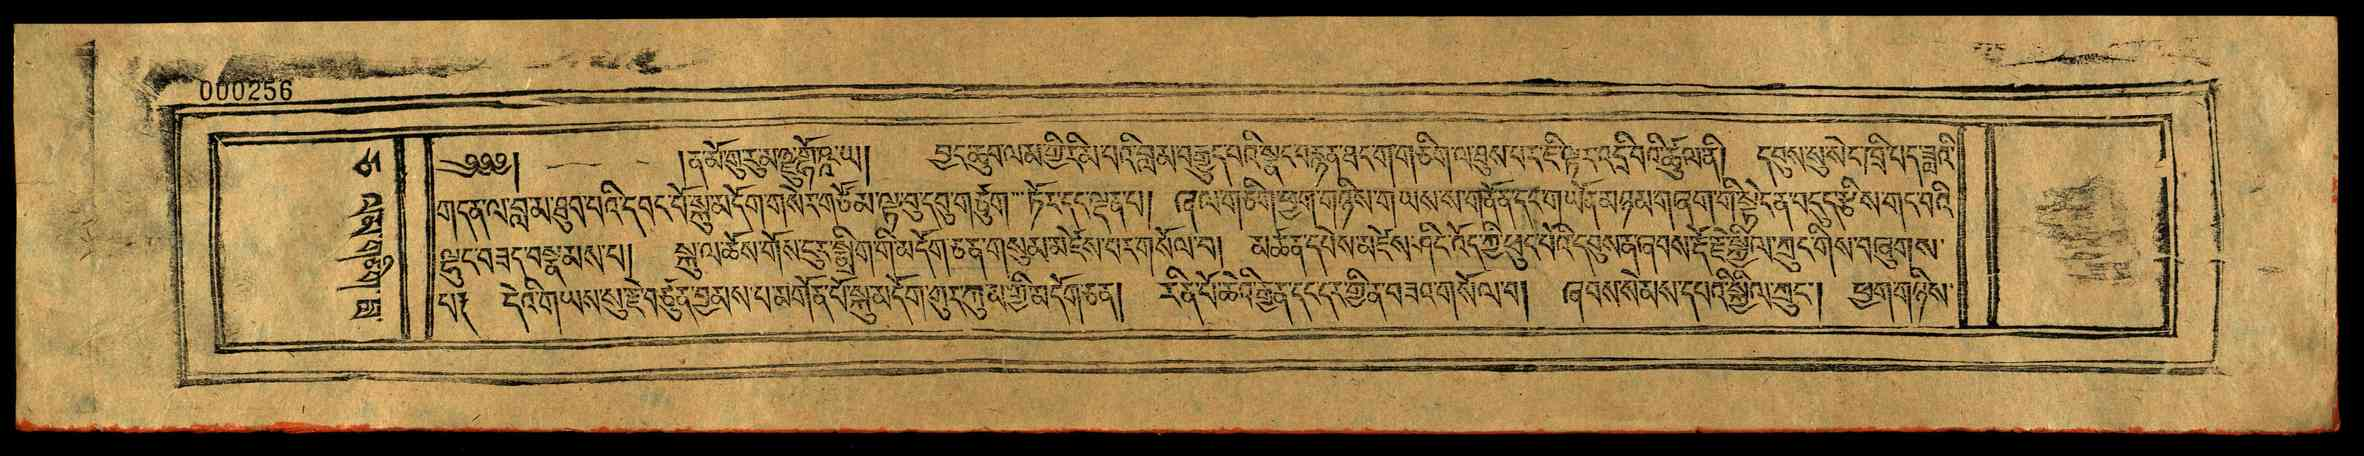༄༅༅། །ན་མོ་གུ་རུ་མཉྫུ་གྷོཥཱ་ཡ། བྱང་ཆུབ་ལམ་གྱི་རིམ་པའི་བླ་མ་བརྒྱུད་པའི་སྣང་བརྙན་ཐང་ག་གཅིག་ལ་ཐུས་པར་ཇི་ལྟར་འདྲི་བའི་ཚུལ་ནི། དབུས་སུ་སེང་ཁྲི་པད་ཟླའི་
གདན་ལ་བླ་མ་ཐུབ་པའི་དབང་པོ་སྐུ་མདོག་གསེར་བཙོམ་ལྟ་བུ་དབུ་གཙུག་་་ཏོར་དང་ལྡན་པ། ཞལ་གཅིག་ཕྱག་གཉིས་གཡས་ས་གཡོན་མཉམ་གཞག་གི་སྟེང་ན་བདུད་རྩིས་གང་བའི་
ལྷུང་བཟེད་བསྣམས་པ། སྐུ་ལ་ཆོས་གོས་དུར་སྨྲིག་གི་མདོག་ཅན་གསུམ་མཛེས་པར་གསོལ་བ། མཚན་དཔེས་མཛེས་ཤིང་འོད་ཀྱི་ཕུང་པོའི་དབུས་ན་ཞབས་རྡོ་རྗེ་སྐྱིལ་ཀྲུང་གིས་བཞུགས་
པ༑ དེའི་གཡས་སུ་རྗེ་བཙུན་བྱམས་པོ་སྐུ་མདོག་གུར་ཀུམ་གྱི་མེ་དོག་ཅན། རིན་པོ་ཆེའི་རྒྱན་དང་དར་གྱི་ན་བཟའ་གསོལ་བ། ཞབས་སེམས་དཔའི་སྐྱིལ་ཀྲུང་། ཕྱག་གཉིས་